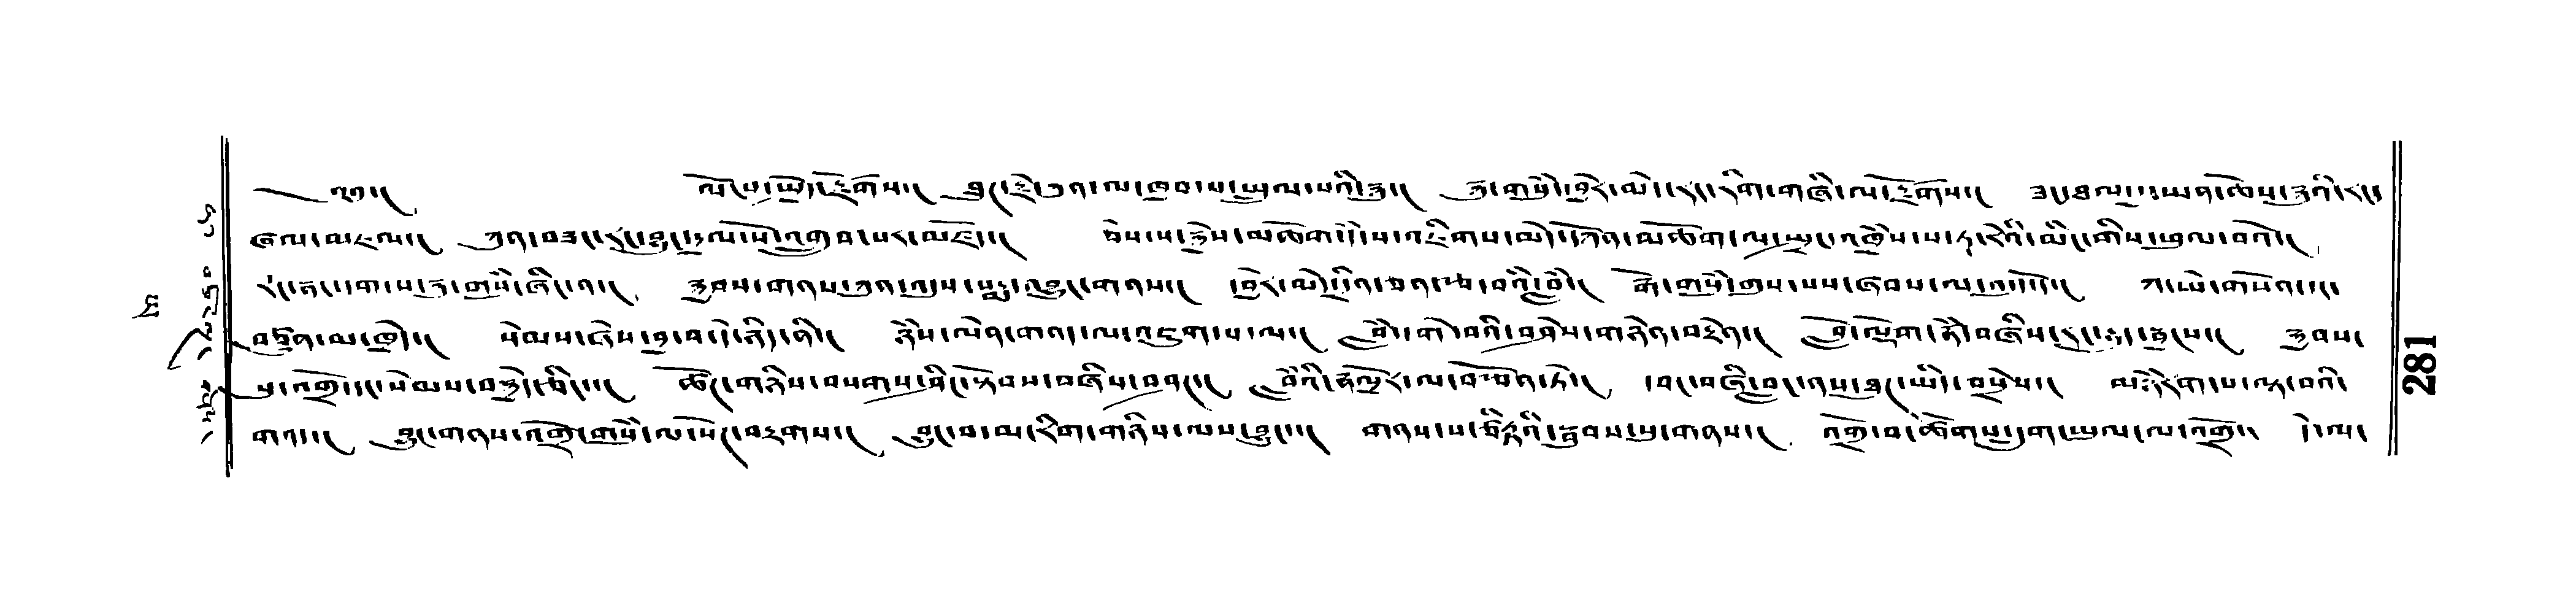ལོངས་སྤྱོད་རྫོགས། །ཐུགས་རྗེ་ཀུན་ལ་ཁྱབ་པ་སྤྲུལ་པའི་སྐུ། །སྐུ་གསུམ་དབྱེར་མེད་རང་རིག་གཞི་ལ་རྫོགས། །ཟང་ཐལ་རྒྱ་ཡན་ཆོས་སྐུའི་རང་
ཞལ་མཇལ། །ཀུན་བཟང་རང་བྱུང་རྒྱལ་པོ་འགྲུབ་པར་མཛོད།ཅེས་པ་སྐྱེས་མཆོག་དམ་པ་འཇིགས་མེད་དཀོན་མཆོག་ལ་སྤྲང་འཁྱམས་པ་ཏཱ་རེའི་མིང་གིས་ཕུལ་བའོ།། 
རང་སྣང་དག་པ་སྐུ་གསུམ་ཞིང་ན། སྐྱབས་གནས་ཀུན་འདུས་པདྨ་འབྱུང་གནས། །དབྱེར་མེད་དྲིན་ཅན་རྩ་བའི་བླ་མ། །སྒོ་གསུམ་གུས་པས་ཞབས་ལ་འདུད་དོ། །ཀ་ཡེ་གསོན་དང་
བཙུན་མ་ཁྱེད། །སེམས་ཞེས་བྱ་བ་དེ་ཉིད་ནི། །ཉམས་ལེན་གནད་ལ་འཇུག་པ་ལ། །བླ་དགེ་བའི་བཤེས་གཉེན་བསྟེན། །བློ་ལྡོག་རྣམ་བཞིས་རང་རྒྱུད་སྦྱངས། །སྐྱབས་
སུ་འགྲོ་དང་སེམས་བསྐྱེད་ཅིང་། །ཚོགས་གཉིས་བསགས་ཤིང་སྟོབས་བཞིས་བཤགས། །བླ་མའི་རྣལ་འབྱོར་ལ་བརྩོན་ཏེ། །དབང་བཞི་བླང་ནས་ཐུགས་ཡིད་བསྲེས། །མཉམ་པར་དག་པ་ལྟ་བའི་
གནད། །བྱུང་གནས་འགྲོ་གསུམ་ལ་སོགས་བརྟགས། །བྱུང་བ་མ་རིག་གཉིས་ལས་བྱུང་། །གནས་པ་ཙིཏྟའི་སྦུབས་སུ་གནས། །འགྲོ་བ་ཚོགས་དྲུག་ཡུལ་ལ་འགྲོ། །དེ་ལ་